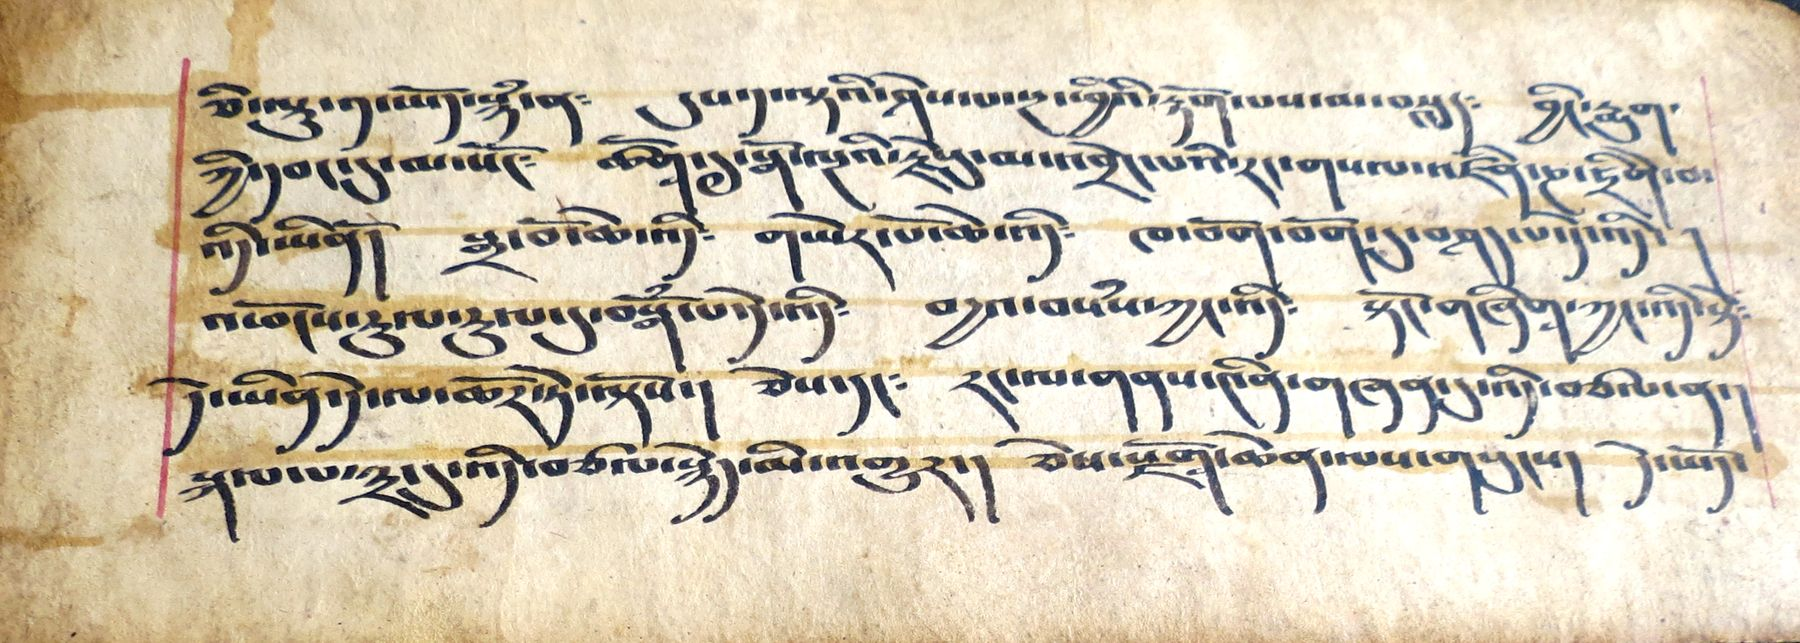ཇི་ལྟ་བུ་ཞིག་ཡོད་བསམས་ན། དུས་ད་ལྟའི་ཤེས་པ་སྔ་ཕྱིའི་རྟོག་པས་མ་བསླད། བྱིང་རྨུག་
གི་དབང་དུ་མ་སོང་། ཚོགས་དྲུག་སྒོ་ལྔའི་རྗེས་སུ་མ་འབྲེངས་པས། རང་གསལ་འཛིན་མེད་ཧྲིག་གེ་བ་
འདི་ཡིན་ནོ། ། སྒྲ་བོ་ཆེ་དེ་འདི། གཡེར་པོ་ཆེ་དེ་འདི། ཁ་བོག་བོག་ཏུ་བཤད་པ་དེ་འདི། 
འཕོངས་རུལ་རུལ་ཏུ་བསྒོམ་པ་དེ་འདི། བརྒྱ་བསམ་ཀྱང་འདི། སྟོང་གཞིག་ཀྱང་འདི། སྟོང་གཞིག་ཀྱང་འདི་སྟེ། 
དེ་ཡིན་དེ་ལ་ཆེར་དེ་ལྟོས། ཞེས་དང་། རང་ལ་གནས་བཞིན་གཞན་ལ་འདི་བཙལ་ན། ། 
བསྐལ་པ་གསུམ་དུ་འདི་བཙལ་རྙེད་མི་འགྱུར། ཅེས་རྫོགས་ཆེན་ལས་གསུངས། དེ་ཡོད་